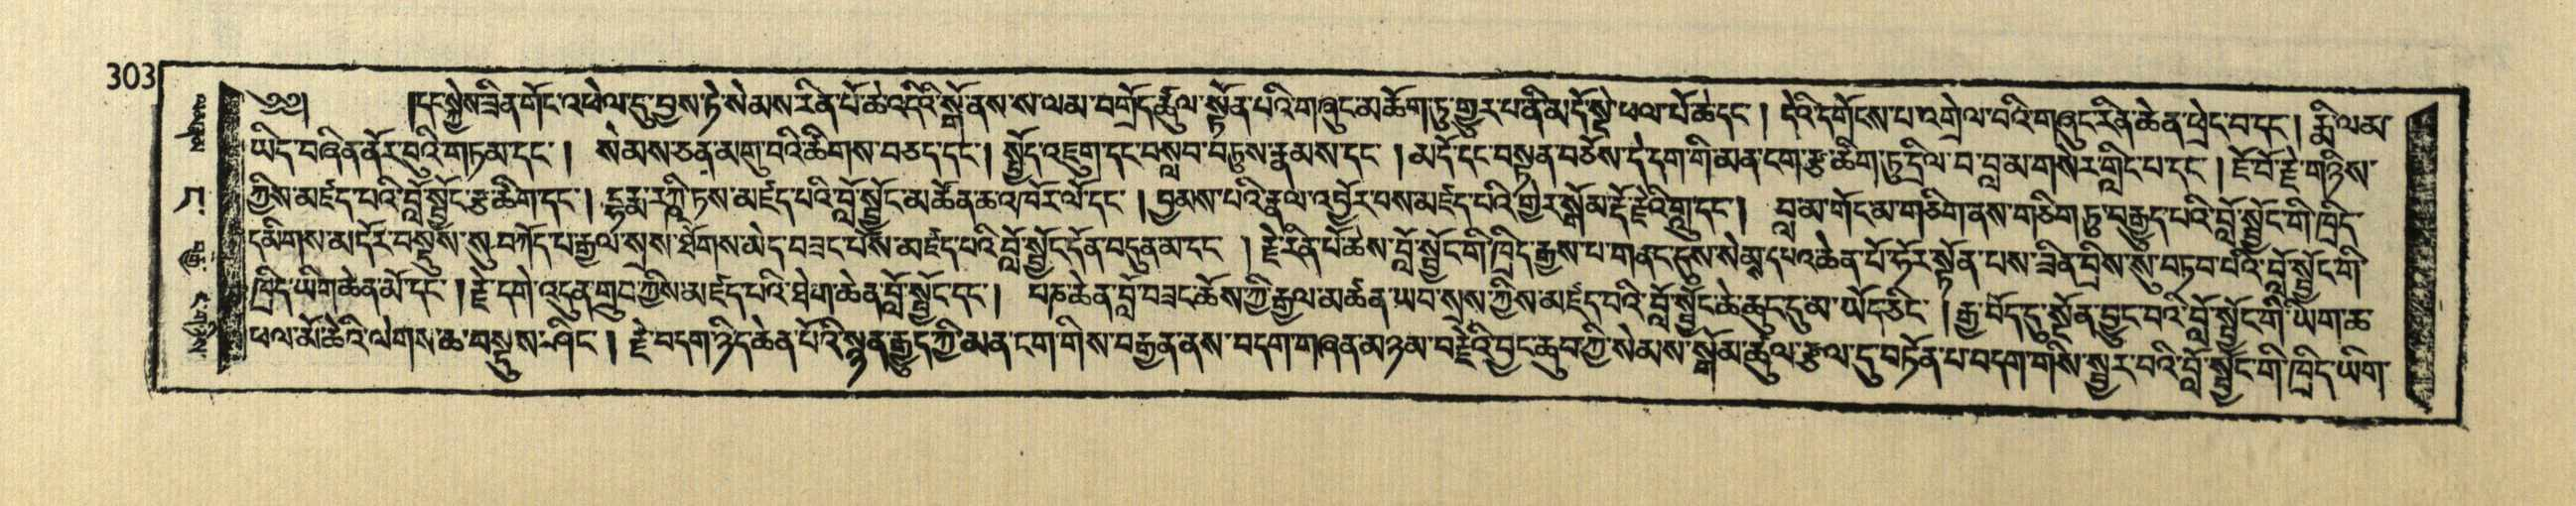༄༅། །དང་སྐྱེས་ཟིན་གོང་འཕེལ་དུ་བྱས་ཏེ་སེམས་རིན་པོ་ཆེ་འདིའི་སྒོ་ནས་ས་ལམ་བགྲོད་ཚུལ་སྟོན་པའི་གཞུང་མཆོག་ཏུ་གྱུར་པ་ནི་མདོ་སྡེ་ཕལ་པོ་ཆེ་དང་། དེའི་དགོངས་པ་འགྲེལ་བའི་གཞུང་རིན་ཆེན་ཕྲེང་བ་དང་། རྨི་ལམ་
ཡིད་བཞིན་ནོར་བུའི་གཏམ་དང་། སེམས་ཅན་མགུ་བའི་ཚིགས་བཅད་དང་། སྤྱོད་འཇུག་དང་བསླབ་བཏུས་རྣམས་དང་། མདོ་དང་བསྟན་བཅོས་དེ་དག་གི་མན་ངག་རྩ་ཚིག་ཏུ་དྲིལ་བ་བླ་མ་གསེར་གླིང་པ་དང་།ཇོ་བོ་རྗེ་གཉིས་
ཀྱིས་མཛད་པའི་བློ་སྦྱོང་རྩ་ཚིག་དང་། དྷརྨ་རཀྵི་ཏས་མཛད་པའི་བློ་སྦྱོང་མཚོན་ཆ་འཁོར་ལོ་དང་། བྱམས་པའི་རྣལ་འབྱོར་བས་མཛད་པའི་གྱེར་སྒོམ་རྡོ་རྗེའི་གླུ་དང་། བླ་མ་གོང་མ་གཅིག་ནས་གཅིག་ཏུ་བརྒྱུད་པའི་བློ་སྦྱོང་གི་ཁྲིད་
དམིགས་མདོར་བསྡུས་སུ་བཀོད་པ་རྒྱལ་སྲས་ཐོགས་མེད་བཟང་པོས་མཛད་པའི་བློ་སྤྱོད་དོན་བདུན་མ་དང་། རྗེ་རིན་པོ་ཆེས་བློ་སྦྱོང་གི་ཁྲིད་རྒྱས་པ་གནང་དུས་སེམས་དཔའ་ཆེན་པོ་ཧོར་སྟོན་པས་ཟིན་བྲིས་སུ་བཏབ་པའི་བློ་སྦྱོང་གི་
ཁྲིད་ཡིག་ཆེན་མོ་དང་། །རྗེ་དགེ་འདུན་གྲུབ་ཀྱིས་མཛད་པའི་ཐེག་ཆེན་བློ་སྦྱོང་དང་། པཎ་ཆེན་བློ་བཟང་ཆོས་ཀྱི་རྒྱལ་མཚན་ཡབ་སྲས་ཀྱིས་མཛད་བའི་བློ་སྦྱོང་ཆེ་ཆུང་དུ་མ་ཡོད་ཅིང་། རྒྱ་བོད་དུ་སྔོན་བྱུང་བའི་བློ་སྦྱོང་གི་ཡིག་ཆ་
ཕལ་མོ་ཆེའི་ལེགས་ཆ་བསྡུས་ཤིང་། རྗེ་བདག་ཉིད་ཆེན་པོའི་སྙན་རྒྱུད་ཀྱི་མན་ངག་གིས་བརྒྱན་ནས་བདག་གཞན་མཉམ་བརྗེའི་བྱང་ཆུབ་ཀྱི་སེམས་སྒོམ་ཚུལ་རྩལ་དུ་བཏོན་པ་བདག་གིས་སྦྱར་བའི་བློ་སྦྱོང་གི་ཁྲིད་ཡིག་